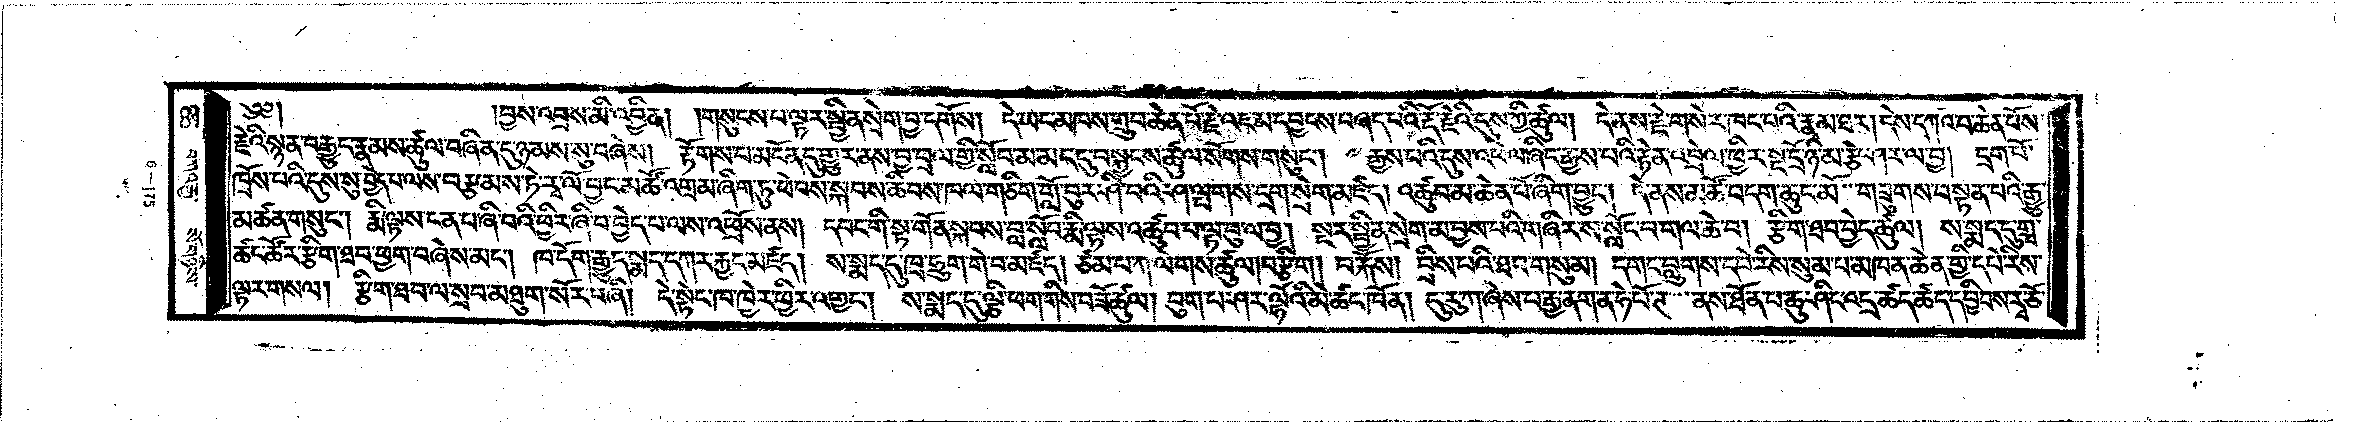༄༅། །བྱས་འབྲས་མི་འབྱིན། །གསུངས་པ་ལྟར་སྦྱིན་སྲེག་བྱ་དགོས། དེ་ཡང་མཁས་གྲུབ་ཆེན་པོ་རྗེ་འཇམ་དབྱངས་བཞད་པའི་རྡོ་རྗེའི་དུས་ཀྱི་ཚུལ། དེ་ནས་རྗེ་གསེར་ཁང་པའི་རྣམ་ཐར། དེས་དཀའ་བ་ཆེན་པོས་
རྗེའི་སྙན་བརྒྱུད་རྣམས་ཚུལ་བཞིན་དུ་ཉམས་སུ་བཞེས། རྟོགས་པ་མངོན་དུ་གྱུར་ནས་བྱ་བྲལ་གྱི་སློབ་མ་མང་དུ་བསྐྱངས་ཚུལ་སོགས་གསུང་། ༧་རྒྱས་པའི་དུས་འཕེལ་ཞིང་རྒྱས་པའི་རྟེན་འབྲེལ་ཕྱིར་སྔ་དྲོ་ཉི་མ་རྩེ་ཤར་ལ་བྱ། དྲག་པོ་
ཁྲོས་པའི་དུས་སུ་བྱེད་པ་ལས་བརྩམས་ཏེ་རྭ་ལོ་བྱང་མཚོ་འགྲམ་ཞིག་ཏུ་ཕེབས་སྐབས་ཆིབས་ཁལ་གཅིག་གློ་བུར་ཤི་བའི་ཤ་ལྤགས་དྲག་སྲེག་མཛད། འཚུབ་མ་ཆེན་པོ་ཞིག་བྱུང་། དེ་ནས་མཚོ་བདག་ཆུང་མོ་གཟུགས་བསྟན་པའི་རྒྱུ་
མཚན་གསུང་། རྨི་ལྟས་ངན་པ་ཞི་བའི་ཕྱིར་ཞི་བ་བྱེད་པ་ལས་འཕྲོས་ནས། དབང་གི་སྟ་གོན་སྐབས་བླ་སློབ་རྨི་ལྟས་འཚུབ་པ་ལྟ་བུ་ལ་བྱ། སྔར་སྦྱིན་སྲེག་མ་བྱས་པའི་གཞིར་ས་སློང་བ་གལ་ཆེ་བ། རྩིག་ཐབ་བྱེད་ཚུལ། ས་སྨད་དུ་གྲྭ་
ཚང་ཚོར་རྩིག་ཐབ་ཕྱག་བཞེས་མང་། ཁ་དོག་རྒྱུད་སྨད་དཀར་རྐྱང་མཛད། ས་སྨད་དུ་ཁྲ་ཧྲུག་གེ་བ་མཛད། ཙམ་པ་ཀ་ལེགས་ཚུལ་།བརྩིག། བརྐོས། བྲིས་པའི་ཐབ་གསུམ། དགང་བླུགས་དཔེ་རིས་སུམ་པ་མཁན་ཆེན་གྱི་དཔེ་རིས་
ལྟར་གསལ། རྩིག་ཐབ་ལ་སྲབ་མཐུག་སོར་བཞི། དེ་སྟེང་ཁ་ཁྱེར་ཕྱིར་འགྱང་། ས་སྨད་དུ་ལྕི་ཕག་གིས་བཟོ་ཚུལ། བུག་པ་ཤར་ལྷོའི་མེ་ཚང་ཁོ་ན། དུ་རུ་ཀ་ཞེས་པ་རྒྱ་ནག་ན་ཧེ་པོ་ཊ་ནས་ཐོན་པ་ཆུ་ཤིང་འདྲ་ཚད་ཚད་དབྱིབས་རྭ་ཅོ་